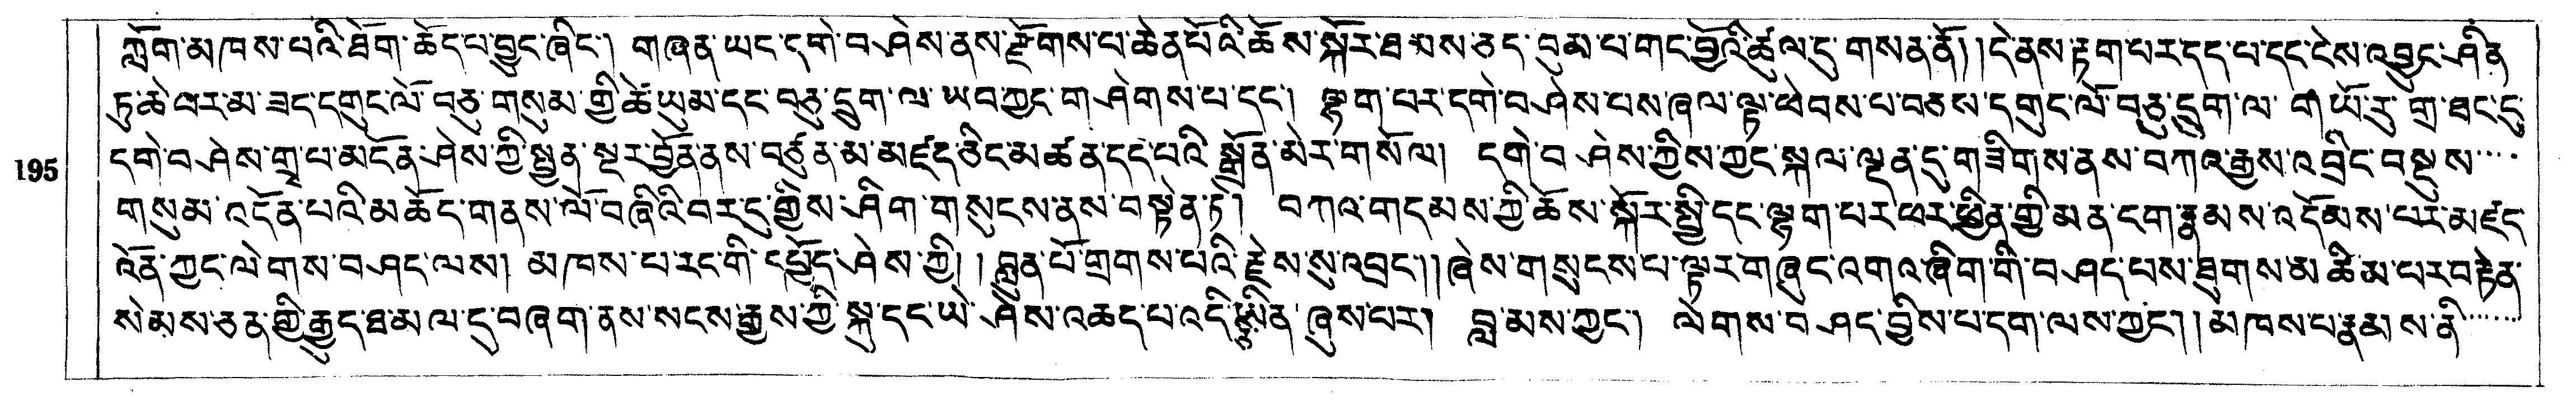ཀློག་མཁས་པའི་ཐོག་ཆོད་པ་བྱུང་ཞིང་། གཞན་ཡང་དགེ་བཤེས་ནས་རྫོགས་པ་ཆེན་པོའི་ཆོས་སྐོར་ཐམས་ཅད་བུམ་པ་གང་བྱོའི་ཚུལ་དུ་གསན་ནོ། །དེ་ནས་རྟག་པར་དད་པ་དང་ངེས་འབྱུང་ཤིན་
ཏུ་ཆེ་བར་མ་ཟད་དགུང་ལོ་བཅུ་གསུམ་གྱི་ཚེ་ཡུམ་དང་བཅུ་དྲུག་ལ་ཡབ་ཀྱང་གཤེགས་པ་དང་། ལྷག་པར་དགེ་བཤེས་པས་ཞལ་ལྟ་ཕེབས་པ་བཅས་དགུང་ལོ་བཅུ་དྲུག་ལ་གཡོ་རུ་གྲ་ཐང་དུ་
དགེ་བཤེས་གྲྭ་པ་མངོན་ཤེས་ཀྱི་སྤྱན་སྔར་བྱོན་ནས་བཙུན་མ་མཛད་ཅིང་མཚན་དད་པའི་སྒྲོན་མེར་གསོལ། དགེ་བཤེས་ཀྱིས་ཀྱང་སྐལ་ལྡན་དུ་གཟིགས་ནས་བཀའ་རྒྱས་འབྲིང་བསྡུས་
གསུམ་འདོན་པའི་མཆོད་གནས་ལོ་བཞིའི་བར་དུ་གྱིས་ཤིག་གསུངས་ནས་བསྟེན་ཏེ། བཀའ་གདམས་ཀྱི་ཆོས་སྐོར་སྤྱི་དང་ལྷག་པར་ཕར་ཕྱིན་གྱི་མན་ངག་རྣམས་འདོམས་པར་མཛད་
འོན་ཀྱང་ལེགས་བཤད་ལས། མཁས་པ་རང་གི་དཔྱོད་ཤེས་ཀྱི། །བླུན་པོ་གྲགས་པའི་རྗེས་སུ་འབྲང་། །ཞེས་གསུངས་པ་ལྟར་གཞུང་འགའ་ཞིག་གི་བཤད་པས་ཐུགས་མཚིམ་པར་བརྟེན་
སེམས་ཅན་གྱི་རྒྱུད་ཐ་མལ་དུ་བཞག་ནས་སངས་རྒྱས་ཀྱི་སྐུ་དང་ཡེ་ཤེས་འཆད་པ་འདི་ཅི་ཡིན་ཞུས་པར། བླ་མས་ཀྱང་། ལེགས་བཤད་བྱིས་པ་དག་ལས་ཀྱང་། །མཁས་པ་རྣམས་ནི་